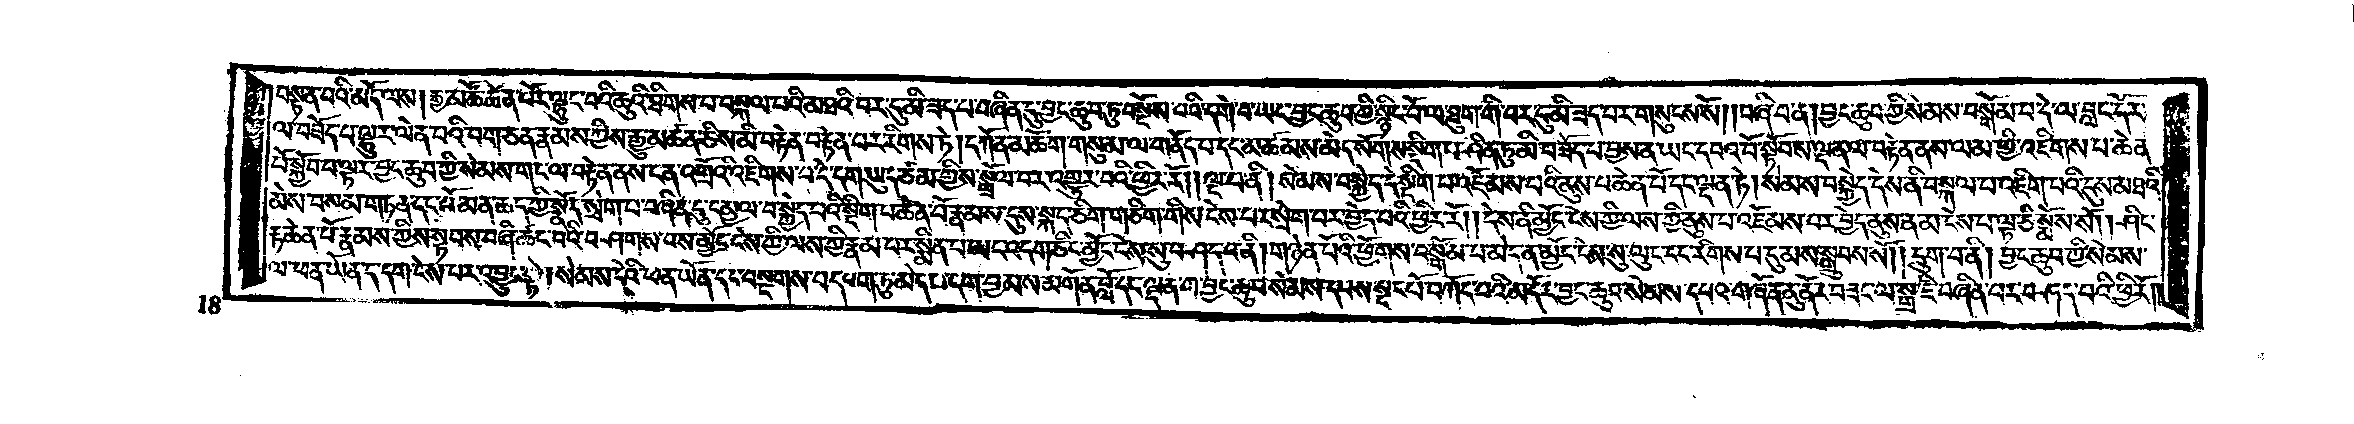བསྟན་པའི་མདོ་ལས། རྒྱ་མཚོ་ཆེན་པོར་ལྷུང་བའི་ཆུའི་ཐིགས་པ་བསྐལ་པའི་མཐའི་བར་དུ་མི་ཟད་པ་བཞིན་དུ་བྱང་ཆུབ་ཏུ་བསྔོས་པའི་དགེ་བ་ཡང་བྱང་ཆུབ་ཀྱི་སྙིང་པོ་ལ་ཐུག་གི་བར་དུ་མི་ཟད་པར་གསུངས་སོ། །བཞིན་པ་ནི། བྱང་ཆུབ་ཀྱི་སེམས་བསྒོམ་པ་དེ་ལ་བླང་དོར་
ལ་བཟོད་པ་ལྷུར་ལེན་པའི་བག་ཅན་རྣམས་ཀྱིས་རྒྱུ་མཚན་ཅིས་མི་བརྟེན་བརྟེན་པར་རིགས་ཏེ། དཀོན་མཆོག་གསུམ་ལ་གནོད་པ་དང་མཚམས་མེད་སོགས་སྡིག་པ་ཤིན་ཏུ་མི་བཟོད་པ་བྱས་ན་ཡང་དཔའ་བོ་སྟོབས་ལྡན་ལ་བརྟེན་ནས་ལམ་གྱི་འཇིགས་པ་ཆེན་
པོ་སྐྱོབ་པ་ལྟར་བྱང་ཆུབ་ཀྱི་སེམས་གང་ལ་བརྟེན་ནས་ངན་འགྲོའི་འཇིགས་པ་དེ་དག་ཡུད་ཙམ་གྱིས་སྒྲོལ་བར་འགྱུར་བའི་ཕྱིར་རོ། །ལྔ་པ་ནི། སེམས་བསྐྱེད་དེ་སྡིག་པ་འཇོམས་པའི་ནུས་པ་ཆེན་པོ་དང་ལྡན་ཏེ། སེམས་བསྐྱེད་དེས་ནི་བསྐལ་པ་འཇིག་པའི་དུས་མཐའི་
མེས་བསམ་གཏན་དང་པོ་མན་ཆད་ཀྱི་སྣོད་སྲེག་པ་བཞིན་དུ་དམྱལ་བ་སྐྱེད་པའི་སྡིག་པ་ཆེན་པོ་རྣམས་དུས་སྐད་ཅིག་གཅིག་གིས་ངེས་པར་སྲེག་པར་བྱེད་པའི་ཕྱིར་རོ། །དེས་ནི་མྱོང་ངེས་ཀྱི་ལས་ཀྱི་ནུས་པ་འཇོམས་པར་བྱེད་ནུས་ན་མ་ངེས་པ་ལྟ་ཅི་སྨོས་སོ། །ཤིང་
རྟ་ཆེན་པོ་རྣམས་ཀྱིས་སྟབས་བཞི་ཚང་བའི་བཤགས་པས་མྱོང་ངེས་ཀྱི་ལས་ཀྱི་རྣམ་པར་སྨིན་པ་ཡང་འདག་ཅིང་མྱོང་ངེས་སུ་བཤད་པ་ནི། གཉེན་པོའི་ཕྱོགས་བསྒོམ་པ་མེད་ན་མྱོང་ངེས་སུ་ལུང་དང་རིགས་པ་དུ་མས་སྒྲུབས་སོ། །དྲུག་པ་ནི། བྱང་ཆུབ་ཀྱི་སེམས་
ལ་ཕན་ཡོན་དེ་དག་ངེས་པར་འབྱུང་སྟེ། སེམས་དེའི་ཕན་ཡོན་དང་བསྔགས་པ་དཔག་ཏུ་མེད་པ་དག་བྱམས་མགོན་བློ་དང་ལྡན་པ་བྱང་ཆུབ་སེམས་དཔས་སྡང་པོ་བཀོད་པའི་མདོར་བྱང་ཆུབ་སེམས་དཔའ་ཐོན་ནུ་ནོར་བཟང་ལ་སྒྲ་ཇི་བཞིན་པར་བཤད་པའི་ཕྱིར་རོ། །